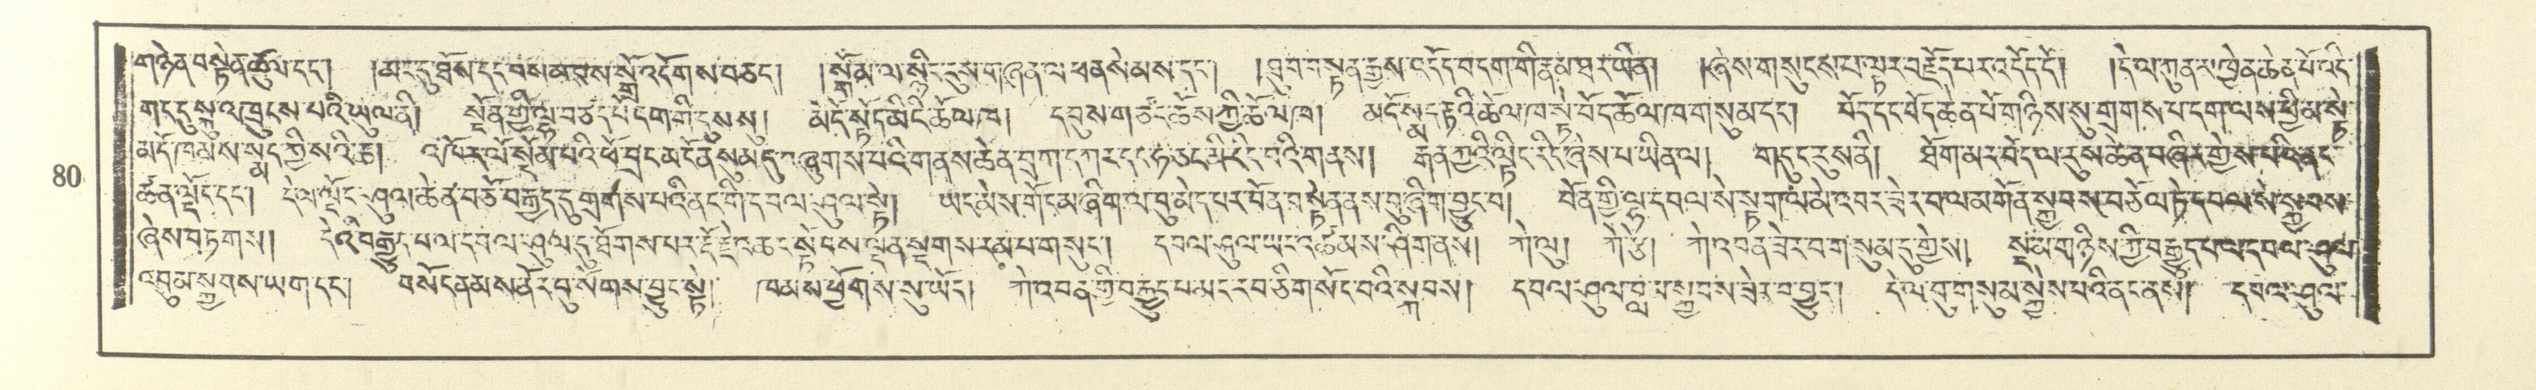གཉེན་བསྟེན་ཚུལ་དང་། །མང་དུ་ཐོས་དང་བསམ་པས་སྒྲོ་འདོགས་བཅད། །སྒོམ་ལ་སྙིང་རུས་གཞན་ལ་ཕན་སེམས་དང་། །ཐུབ་བསྟན་རྒྱས་འདོད་བདག་གི་རྣམ་ཐར་ཡིན། །ཞེས་གསུངས་པ་ལྟར་བརྗོད་པར་འདོད་དོ། །དེ་ལ་ཀུན་མཁྱེན་ཆེན་པོ་འདི་
གང་དུ་སྐུ་འཁྲུངས་པའི་ཡུལ་ནི། སྔོན་གྱི་ལྷ་བཙད་པོ་དག་གི་དུས་སུ། མདོ་སྟོད་མིའི་ཆོལ་ཁ། དབུས་གཙང་ཆོས་ཀྱི་ཆོལ་ཁ། མདོ་སྨད་རྟའི་ཆོལ་ཁ་སྟེ་བོད་ཆོལ་ཁ་གསུམ་དང་། བོད་དང་བོད་ཆེན་པོ་གཉིས་སུ་གྲགས་པ་དག་ལས་ཕྱི་མ་སྟེ་
མདོ་ཁམས་སྨད་ཀྱི་སའི་ཆ། འཁོར་ལོ་སྡོམ་པའི་ཕོ་བྲང་མངོན་སུམ་དུ་བཞུགས་པའི་གནས་ཆེན་བྲག་དཀར་དང་ཧ་ཅང་མི་རིང་བའི་གནས། རྒན་ཀྱའི་ལྟིང་རིང་ཞེས་པ་ཡིན་ལ། གདུང་རུས་ནི། ཐོག་མར་བོད་ལ་རུས་ཆེན་བཞིར་གྱེས་པའི་ནང་
ཚན་ལྡོང་དང་། དེ་ལ་ལྡོང་ཤུལ་ཆེན་བཅོ་བརྒྱད་དུ་གྲགས་པའི་ནང་གི་དཔལ་ཤུལ་སྟེ། ཡང་མེས་གོང་མ་ཞིག་ལ་བུ་མེད་པར་བོན་བསྟེན་ནས་བུ་ཞིག་བྱུང་བ། བོན་གྱི་ལྷ་དཔལ་སེ་སྟག་ལ་མེ་འབར་ཞེར་བ་ལ་མགོན་སྐྱབས་བཅོལ་ཏེ་དབལ་སེ་སྐྱབས་
ཞེས་བཏགས། དེའི་བརྒྱུད་པ་ལ་དཔལ་ཤུལ་དུ་ཐོགས་པར་རྡོ་རྗེ་འཆང་སྟོབས་ལྡན་སྔགས་རམ་པ་གསུང་། དབལ་ཤུལ་ཡང་འཚམས་ཤིག་ནས། ཀེ་ལུ། ཀེ་རྩེ། ཀེ་འབན་ཟེར་བ་གསུམ་དུ་གྱེས། སྔ་མ་གཉིས་ཀྱི་བརྒྱུད་པ་ལ་དབལ་ཤུལ་
འབུམ་སྐྱབས་ཡག་དང་། བསོད་ནམས་ནོར་བུ་སོགས་བྱུང་སྟེ། ཁམས་ཕྱོགས་སུ་ཡོད། ཀེ་འབན་གྱི་བརྒྱུད་པ་མང་རབ་ཅིག་སོང་བའི་སྐབས། དབལ་ཤུལ་བླ་མ་སྐྱབས་ཟེར་བ་བྱུང་། དེ་ལ་བུ་གསུམ་སྐྱེས་པའི་ནང་ནས། དབལ་ཤུལ་